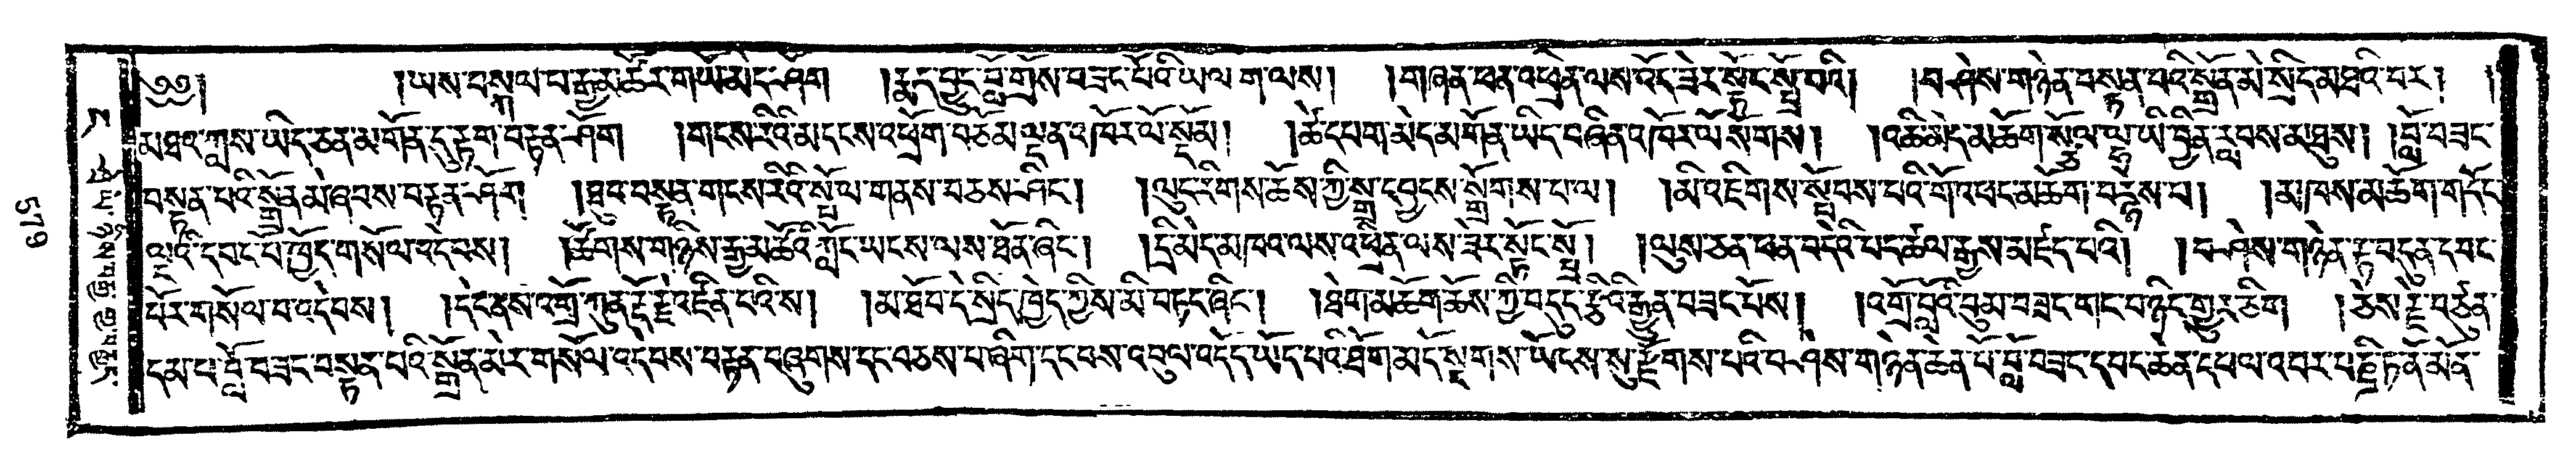༄༅། །ཡས་བསྐལ་པ་རྒྱ་མཚོར་གཡོ་མེད་ཤོག །རྨད་བྱུང་བློ་གྲོས་བཟང་པོའི་ཡལ་ག་ལས། །གཞན་ཕན་འཕྲིན་ལས་འོད་ཟེར་སྟོང་སྤྲོ་བའི། །བཤེས་གཉེན་བསྟན་པའི་སྒྲོན་མེ་སྲིད་མཐའི་བར། །
མཐའ་ཀླས་ཡིད་ཅན་མགོན་དུ་རྟག་བརྟན་ཤོག །གངས་རིའི་མདངས་འཕྲོག་བཅོམ་ལྡན་འཁོར་ལོ་སྡོམ། །ཚེ་དཔག་མེད་མགོན་ཡིད་བཞིན་འཁོར་ལོ་སོགས། །འཆི་མེད་མཆོག་སྩོལ་ལྷ་ཡི་བྱིན་རླབས་མཐུས། །བློ་བཟང་
བསྟན་པའི་སྒྲོན་མེ་ཞབས་བརྟན་ཤོག །ཐུབ་བསྟན་གངས་རིའི་སྤོ་ལ་གནས་བཅས་ཤིང་། །ལུང་རིགས་ཆོས་ཀྱི་སྒྲ་དབྱངས་སྒྲོགས་པ་ལ། །མི་འཇིགས་སྤོབས་པའི་གོ་འཕང་མཆོག་བརྙེས་པ། །མཁས་མཆོག་གདོང་
ལྔའི་དབང་པོ་ཁྱོད་གསོལ་འདེབས། །ཚོགས་གཉིས་རྒྱ་མཚོའི་ཀློང་ཡངས་ལས་ཐོན་ཞིང་། །དྲི་མེད་མཁའ་ལས་འཕྲིན་ལས་ཟེར་སྟོང་སྤྲོ། །ལུས་ཅན་ཕན་བདེའི་པད་ཚལ་རྒྱས་མཛད་པའི། །བཤེས་གཉེན་རྟ་བདུན་དབང་
པོར་གསོལ་བ་འདེབས། །དེང་ནས་འགྲོ་ཀུན་རྡོ་རྗེ་འཛིན་པའི་ས། །མ་ཐོབ་དེ་སྲིད་ཁྱེད་ཀྱིས་མི་བཏང་ཞིང་། །ཐེག་མཆོག་ཆོས་ཀྱི་བདུད་རྩིའི་རྒྱུན་བཟང་པོས། །འགྲོ་བློའི་བུམ་བཟང་གང་པ་ཉིད་གྱུར་ཅིག །ཅེས་རྗེ་བཙུན་
དམ་པ་བློ་བཟང་བསྟན་པའི་སྒྲོན་མེར་གསོལ་འདེབས་བརྟན་བཞུགས་དང་བཅས་པ་ཞིག་དང་བས་འབུལ་འདོད་ཡོད་པའི་ཐོག་མདོ་སྔགས་ཡོངས་སུ་རྫོགས་པའི་བཤེས་གཉེན་ཆེན་པོ་བློ་བཟང་དབང་ཆེན་དཔལ་འབར་པཎྜི་ཏ་ནོ་མོན་